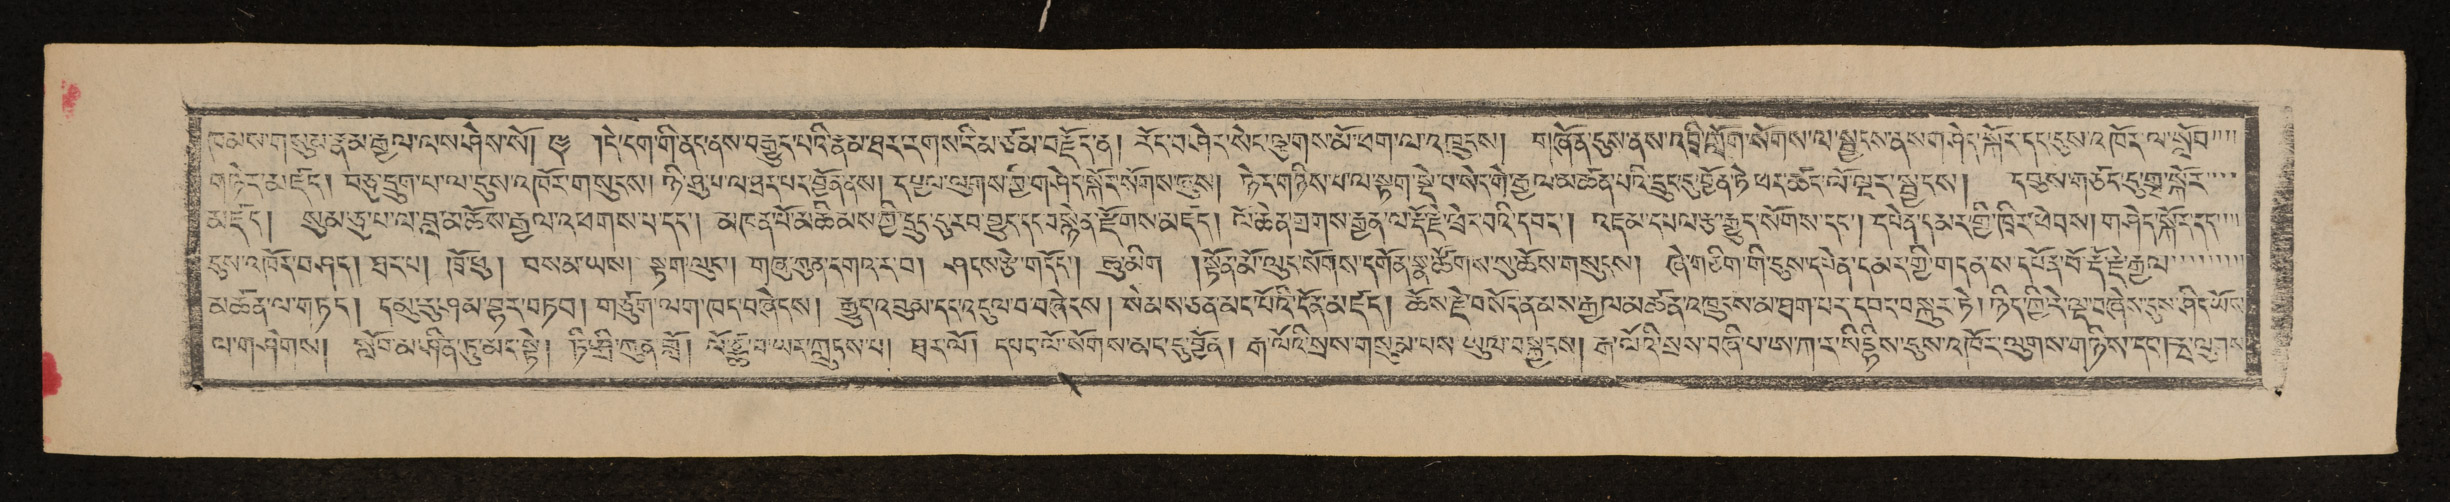ཁམས་གསུམ་རྣམ་རྒྱལ་ལས་ཤེས་སོ། ༈ །དེ་དག་གི་ནང་ནས་བརྒྱུད་པའི་རྣམ་ཐར་རགས་རིམ་ཙམ་བརྗོད་ན། རོང་པ་ཤེར་སེང་ལྕགས་མོ་ཕག་ལ་འཁྲུངས། གཞོན་དུས་ནས་འབྲི་ཀློག་སོགས་ལ་སྦྱངས་ནས་གཤེད་སྐོར་དང་དུས་འཁོར་ལ་སློབ་
གཉེར་མཛད། བཅུ་དྲུག་པ་ལ་དུས་འཁོར་གསུངས། ཉི་ཤུ་པ་ལ་ཐར་པར་བྱོན་ནས། དཔྱལ་ལུགས་ཀྱི་གཤེད་སྐོར་སོགས་ཞུས། ཉེར་གཉིས་པ་ལ་སྟག་སྡེ་བ་སེང་གེ་རྒྱལ་མཚན་པའི་དྲུང་དུ་བྱོན་ཏེ་ཕར་ཚད་ལོ་ལྔར་སྦྱངས། དབུས་གཙང་དུ་གྲྭ་སྐོར་
མཛད། སུམ་ཅུ་པ་ལ་བླ་མ་ཆོས་རྒྱལ་འཕགས་པ་དང་། མཁན་པོ་མཆིམས་ཀྱི་དྲུང་དུ་རབ་བྱུང་དང་བསྙེན་རྫོགས་མཛད། ལོ་ཆེན་གྲགས་རྒྱན་ལ་རྡོ་རྗེ་ཕྲེང་བའི་དབང་། འཇམ་དཔལ་རྩ་རྒྱུད་སོགས་དང་། དབེན་དམར་གྱི་ཁྲིར་ཕེབས། གཤེད་སྐོར་དང་
དུས་འཁོར་བཤད། ཐར་པ། ཁྲོ་ཕུ། བསམ་ཡས། སྟག་ལུང་། གཞུ་ཀུན་དགའ་ར་བ། ཤངས་རྩེ་གདོང་། ཆུ་མིག །སྟོན་མོ་ལུང་སོགས་དགོན་སྣ་ཚོགས་སུ་ཆོས་གསུངས། ཞེ་གཅིག་གི་དུས་དབེན་དམར་གྱི་གདན་ས་དཔོན་པོ་རྡོ་རྗེ་རྒྱལ་
མཚན་ལ་གཏད། དམུ་རུ་ཤམ་བྷ་ར་བཏབ། གཙུག་ལག་ཁང་བཞེངས། རྒྱུད་འབུམ་དང་འདུལ་བ་བཞེངས། སེམས་ཅན་མང་པོའི་དོན་མཛད། ཆོས་རྗེ་བསོད་ནམས་རྒྱལ་མཚན་འཁྲུངས་མ་ཐག་པར་དབང་བསྐུར་ཏེ། ཉིད་ཀྱི་རེ་ལྔ་བཞེས་དུས་ཤིང་ཡོས་
ལ་གཤེགས། སློབ་མ་ཤིན་ཏུ་མང་སྟེ། ཏི་ཤྲི་ཀུན་བློ། ལོཙྪ་བ་ཡར་ཀླུངས་པ། ཐར་ལོ། དཔང་ལོ་སོགས་མང་དུ་བྱོན། རྒ་ལོའི་སྲས་གསུམ་པས་ཡུལ་བསྐྱངས། རྒ་ལོའི་སྲས་བཞི་པ་ཨ་ཀ་ར་སིདྷིས་དུས་འཁོར་ལུགས་གཉིས་དང་། རྭ་ལུགས་